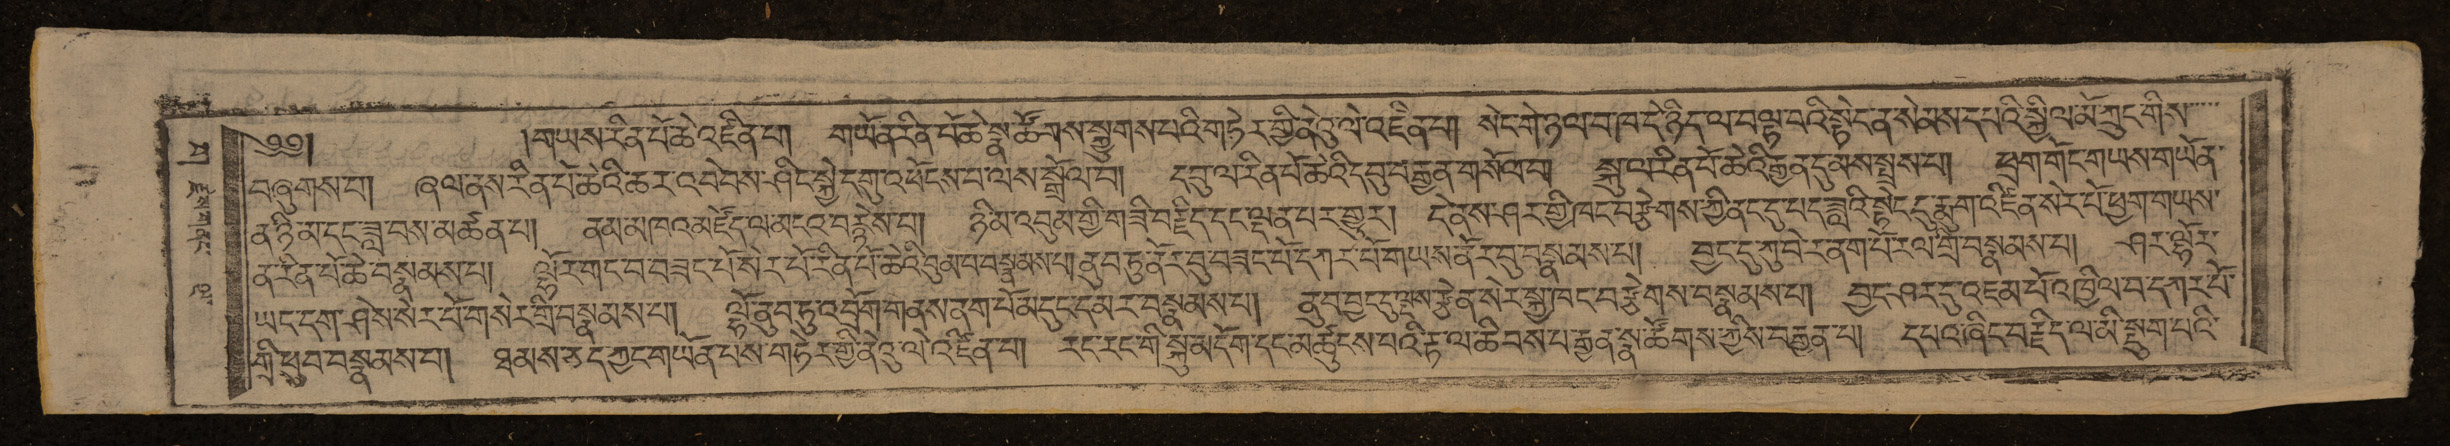༄༅། །གཡས་རིན་པོ་ཆེ་འཛིན་པ། གཡོན་རིན་པོ་ཆེ་སྣ་ཚོགས་སྐྱུགས་པའི་གཏེར་གྱི་ནེའུ་ལེ་འཛིན་པ། སེང་གེ་ཉལ་བ་ཁ་དེ་ཉིད་ལ་བལྟ་བའི་སྟེང་ན་སེམས་དཔའི་སྐྱིལ་མོ་ཀྲུང་གིས་
བཞུགས་པ། ཞལ་ནས་རིན་པོ་ཆེའི་ཆར་འབེབས་ཤིང་སྐྱེ་དགུ་འཕོངས་པ་ལས་སྒྲོལ་བ་དབུལ་རིན་པོ་ཆེའི་དབུ་བརྒྱན་གསོལ་བ། སྐུ་ལ་རིན་པོ་ཆེའི་རྒྱན་དུ་མས་སྤྲས་པ། ཕྲག་གོང་གཡས་གཡོན་
ན་ཉི་མ་དང་ཟླ་བས་མཚན་པ། ནམ་མཁའ་མཛོད་ལ་མདའ་བརྙེས་པ། ཉི་མ་འབུམ་གྱི་གཟི་བརྗིད་དང་ལྡན་པར་གྱུར། དེ་ནས་ཤར་གྱི་ཁང་བརྩེགས་ཀྱི་ནང་དུ་པད་ཟླའི་སྟེང་དུ་རྨུག་འཛིན་སེར་པོ་ཕྱག་གཡས་
ན་རིན་པོ་ཆེ་བསྣམས་པ། ལྷོར་གང་བ་བཟང་པོ་སེར་པོ་རིན་པོ་ཆེའི་བུམ་པ་བསྣམས་པ། ནུབ་ཏུ་ནོར་བུ་བཟང་པོ་དཀར་པོ་གཡས་ནོར་བུ་བསྣམས་པ། བྱང་དུ་ཀུ་བེ་ར་ནག་པོ་རལ་གྲི་བསྣམས་པ། ཤར་ལྷོར་
ཡང་དག་ཤེས་སེར་པོ་གསེར་གྲི་བསྣམས་པ། ལྷོ་ནུབ་ཏུ་འབྲོག་གནས་ནག་པོ་མདུང་དམར་བསྣམས་པ། ཆུབ་བྱང་དུ་ལྔས་རྩེན་སེར་སྐྱ་ཁང་བརྩེགས་བསྣམས་པ། བྱང་ཤར་དུ་འཇམ་པོ་འཁྱིལ་པ་དཀར་པོ་
གྲི་ཕུབ་བསྣམས་པ། ཐམས་ཅད་ཀྱང་གཡོན་པས་གཏེར་གྱི་ནེའུ་ལེ་འཛིན་པ། རང་རང་གི་སྐུ་མདོག་དང་མཚུངས་པའི་རྟ་ལ་ཆིབས་པ་རྒྱན་སྣ་ཚོགས་ཀྱིས་བརྒྱན་པ། དཔའ་ཞིང་བརྗིད་ལ་མི་སྡུག་པའི་